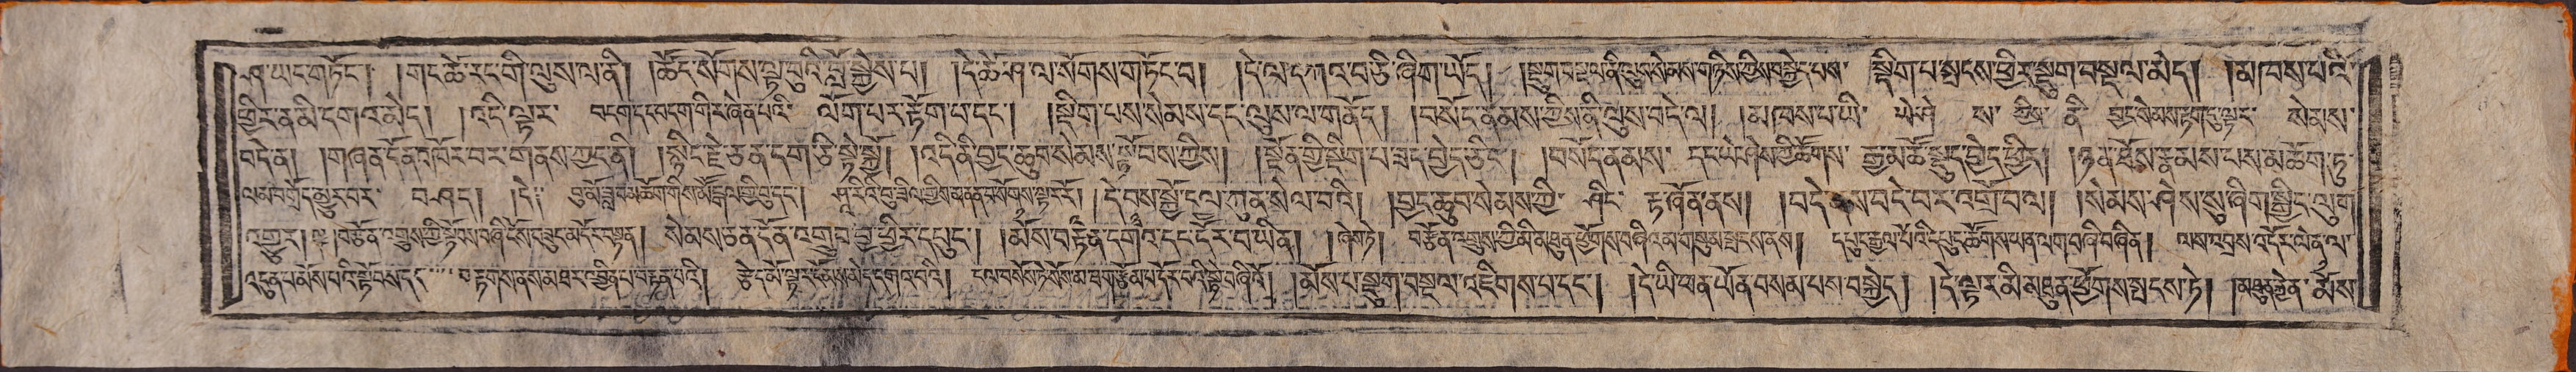ཤ་ཡང་གཏོང་། །གང་ཚེ་རང་གི་ལུས་ལ་ནི། །ཚོད་སོགས་ལྟ་བུའི་བློ་སྐྱེས་པ། །དེ་ཚེ་ཤ་ལ་སོགས་གཏོང་བ། །དེ་ལ་དཀའ་བ་ཅི་ཞིག་ཡོད། །སྡུག་བསྔལ་ནི་ལུས་སེམས་གཉིས་ཀྱིས་བསྐྱེད་པས་སྡིག་པ་སྤངས་ཕྱིར་སྡུག་བསྔལ་མེད། །མཁས་པའི་
ཕྱིར་ན་མི་དགའ་མེད། །འདི་ལྟར་བདག་དང་བདག་གིར་ཞེན་པའི་ལོག་པར་རྟོག་པ་དང་། །སྡིག་པས་སེམས་དང་ལུས་ལ་གནོད། །བསོད་ནམས་ཀྱིས་ནི་ལུས་བདེ་ལ། །མཁས་པ་ཡི་ཡེ་ཤེ་ས་ཀྱིས་ནི་བྱང་སེམས་རྟག་ཏུ་ལྟར་སེམས་
བདེ་ན། །གཞན་དོན་འཁྲོ་བར་གནས་ཀྱང་ནི། །སྙིང་རྗེ་ཅན་དག་ཅི་སྟེ་སྐྱོ། །འདི་ནི་བྱང་ཆུབ་སེམས་སྟོབས་ཀྱིས། །སྔོན་གྱི་སྡིག་པ་ཟད་བྱེད་ཅིང་། །བསོད་ནམས་དང་ཡེ་ཤེས་ཀྱི་ཚོགས་རྒྱ་མཚོ་སྡུད་བྱེད་ཕྱིར། །ཉན་ཐོས་རྣམས་པས་མཆོག་ཏུ་
ལམ་བགྲོད་མྱུར་བར་བཤད། །དེ༑ བུ་མོ་ཟླ་བ་མཆོག་གིས་མཽངྒལ་གྱི་བུ་དང་། ཤཱ་རིའི་བུ་ཟིལ་གྱིས་མནན་པ་སོགས་ལྟར་རོ། །དེ་བས་སྐྱོ་ངལ་ཀུན་སེལ་པའི། །བྱང་ཆུབ་སེམས་ཀྱི་ཤིང་རྟ་ཞོན་ནས། །བདེ་ནས་བདེ་བར་འགྲོ་བ་ལ། །སེམས་ཤེས་སུ་ཞིག་སྒྱིད་ལུག་
འགྱུར། ༈ །བརྩོན་འགྲུས་ཀྱི་སྟོབས་བཞི་ངོས་བཟུང་མདོར་བསྟན། སེམས་ཅན་དོན་འགྲུབ་བྱ་ཕྱིར་དཔུང་། །མོས་བརྟན་དགའ་དང་དོར་བ་ཡིན། །ཞེས་ཏེ། བརྩོན་འགྲུས་ཀྱི་མི་མཐུན་ཕྱོགས་བཞིའམ་གསུམ་སྤངས་ནས། དཔུང་རྒྱལ་པོའི་དཔུང་ཚོགས་ཡན་ལག་བཞི་བཞིན། ལས་འབྲས་འདོར་ལེན་ལ་
འདུན་པ་མོས་པའི་སྟོབས་དང་། བརྟགས་ནས་མཐར་འབྱིན་པ་བརྟན་པའི། རྩེད་མོ་ལྟར་ངོམས་མེད་དགའ་བའི། ངལ་བསོས་ཏེ་སོས་མཐག་རྩོམ་པ་དོར་བའི་སྟེ་བཞིའོ། །མོས་པ་སྡུག་བསྔལ་འཇིགས་པ་དང་། །དེ་ཡི་ཕན་ཡོན་བསམ་པས་བསྐྱེད། །དེ་ལྟར་མི་མཐུན་ཕྱོགས་སྤངས་ཏེ། །མཐུན་རྒྱེན་མོས་